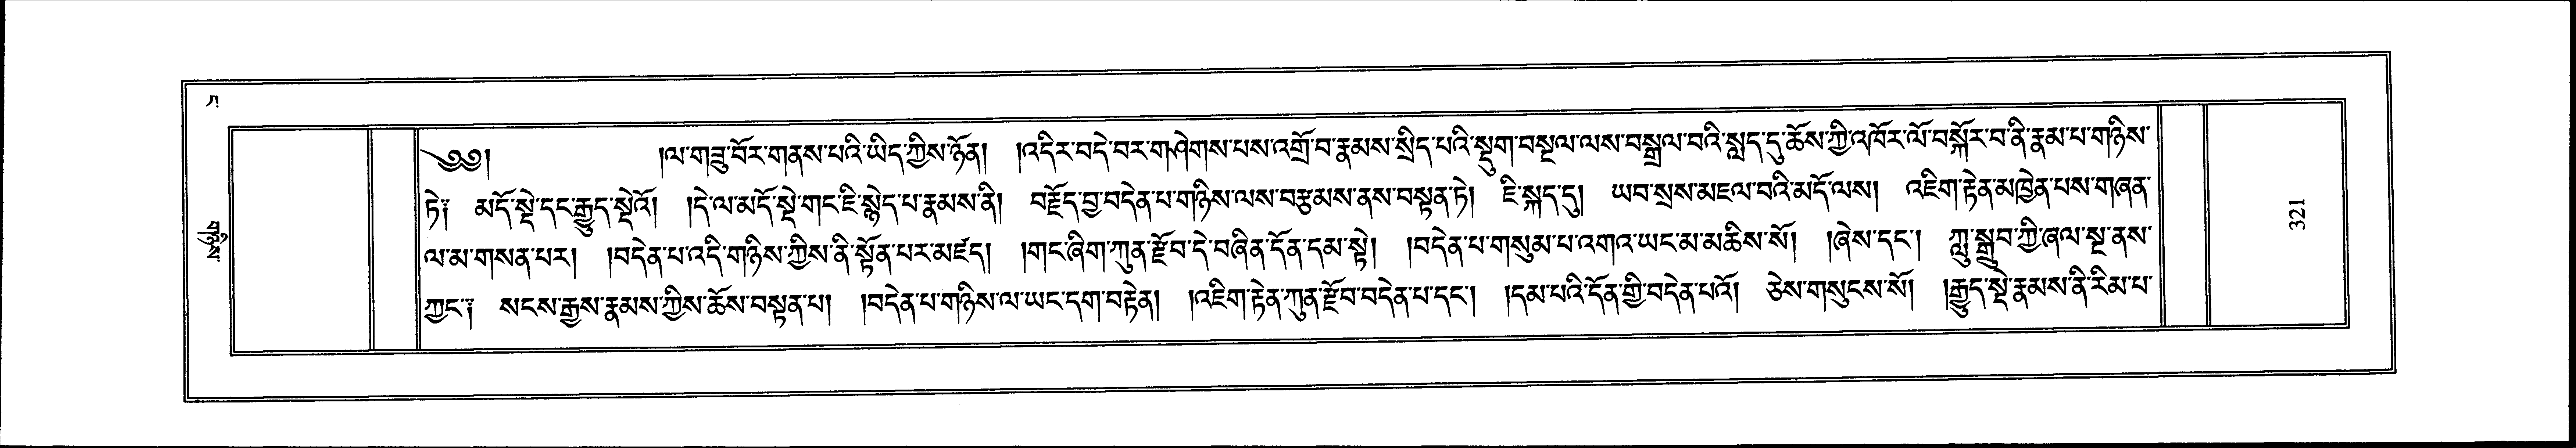༄༅། །ལ་གཟུ་བོར་གནས་པའི་ཡིད་ཀྱིས་ཉོན། །འདིར་བདེ་བར་གཤེགས་པས་འགྲོ་བ་རྣམས་སྲིད་པའི་སྡུག་བསྔལ་ལས་བསྒྲལ་བའི་སླད་དུ་ཆོས་ཀྱི་འཁོར་ལོ་བསྐོར་བ་ནི་རྣམ་པ་གཉིས་
ཏེ། མདོ་སྡེ་དང་རྒྱུད་སྡེའོ། །དེ་ལ་མདོ་སྡེ་གང་ཇི་སྙེད་པ་རྣམས་ནི། བརྗོད་བྱ་བདེན་པ་གཉིས་ལས་བརྩམས་ནས་བསྟན་ཏེ། ཇི་སྐད་དུ། ཡབ་སྲས་མཇལ་བའི་མདོ་ལས། འཇིག་རྟེན་མཁྱེན་པས་གཞན་
ལ་མ་གསན་པར། བདེན་པ་འདི་གཉིས་ཀྱིས་ནི་སྟོན་པར་མཛད། །གང་ཞིག་ཀུན་རྫོབ་དེ་བཞིན་དོན་དམ་སྟེ། །བདེན་པ་གསུམ་པ་འགའ་ཡང་མ་མཆིས་སོ། །ཞེས་དང་། ཀླུ་སྒྲུབ་ཀྱི་ཞལ་སྔ་ནས་
ཀྱང་། སངས་རྒྱས་རྣམས་ཀྱིས་ཆོས་བསྟན་པ། །བདེན་པ་གཉིས་ལ་ཡང་དག་བརྟེན། །འཇིག་རྟེན་ཀུན་རྫོབ་བདེན་པ་དང་། །དམ་པའི་དོན་གྱི་བདེན་པའོ། ཅེས་གསུངས་སོ། །རྒྱུད་སྡེ་རྣམས་ནི་རིམ་པ་